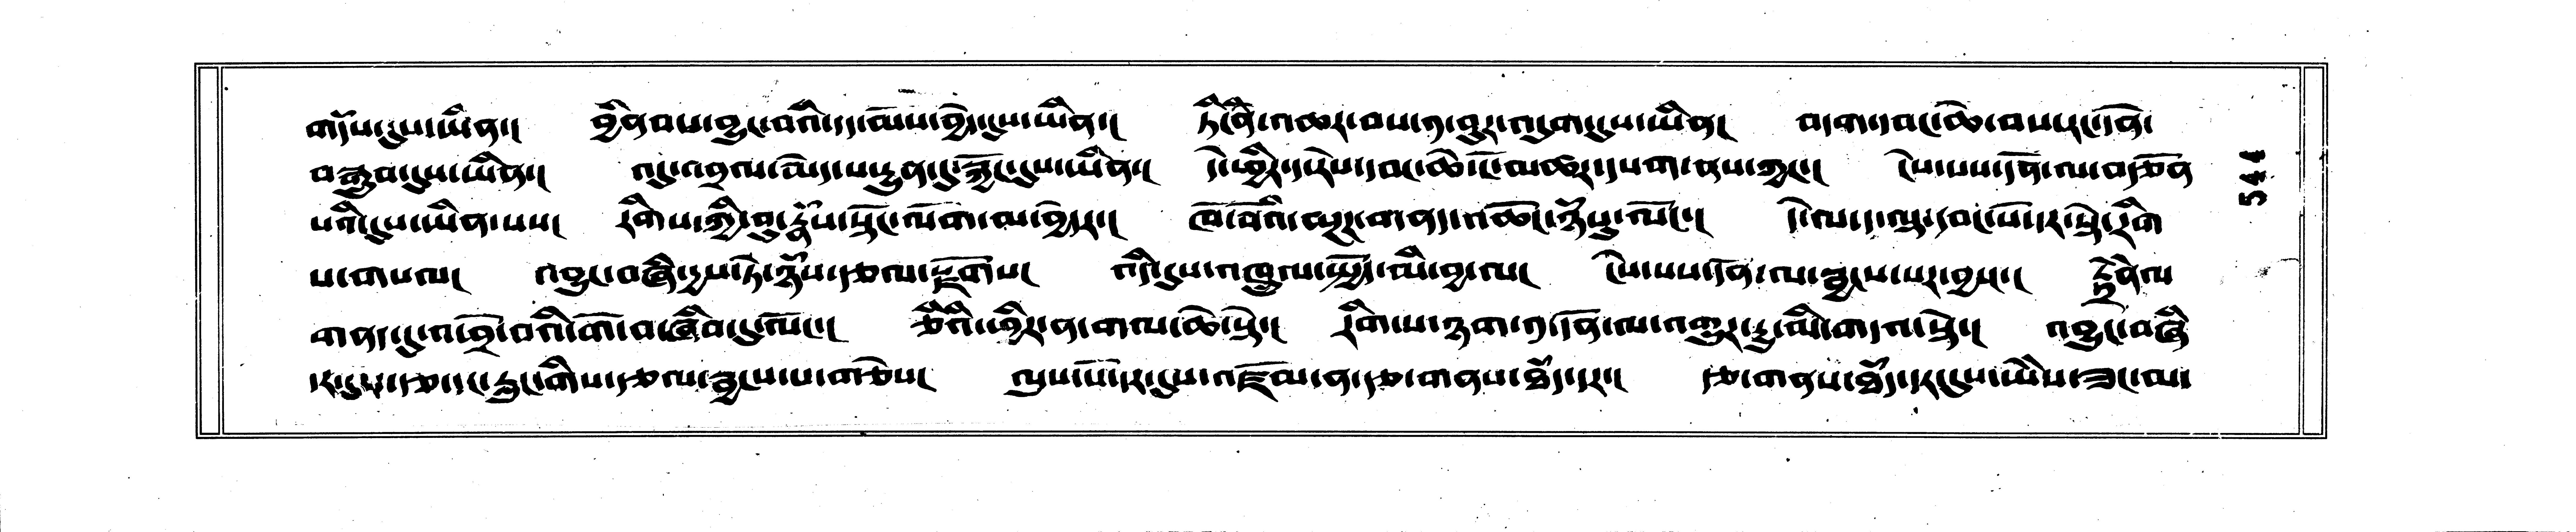བདག་གཞན་ཆེ་བས་རང་དོན་
བསྒྲུབས་དུས་ཡིན། འདུ་འབྲལ་མེད་པར་རྒྱུན་དུ་སྐྱོངས་དུས་ཡིན། སྐྱིད་སྡུག་གདམ་ཁ་ད་རེ་ཡོད་དུས་ཡིན། ད་ཕྱིར་རེས་དབང་ཚོ་”དེ་ཕྱིར་ད་རེས་དབང་ཆེ”ངོ་མཚར་དཔག་ནས་ཀྱང་། ངེས་པའི་དོན་ལ་བརྩོན
པའི་དུས་ཡིན་པས། རིགས་ཀྱི་བུ་རྣམ་རྟོག་”རྣམས་སྟོང”ལོག་པར་མ་བྱེད་པར། ཁོ་བོའི་མེན་ངག་འཆང་ལ་ཉམས་སུ་ལོང་། དེ་ལ་ད་ལྟ་དབང་པོ་དར་ལ་རིག་
པ་གསལ་ལ་ འབྱུང་བཞི་རྒྱས་ཏེ་ཉམས་རྩལ་རྫོགས། འདིའི་དུས་ལ་འཁྲུལ་སྤྱོད་མི་བྱ་ལ། ངེས་པའི་དོན་ལ་སྦྱང་པར་བྱ། རྟེན་འབྲེལ་
གནད་དང་སྤྲོད་པའི་གོ་བ་ཞིབ་དུ་ལོང་། ཅིའི་ཕྱིར་ན་གར་༼གལ༽ཆེ་སྟེ། རིག་པ་ཉག་ཅིག་དོན་ལ་འགྱུར་རྒྱུ་མི་གདའ་སྟེ། འབྱུང་བཞི་
དོར་དུས་རྩ་དང་རླུང་གི་ཉམས་རྩལ་སྦྱངས་པ་གཅེས། ལུས་པོ་དར་རྒྱས་འཛོམ་ན་རྩ་གནས་ཐམས་ཅད་དར། རྩ་གནས་ཐམས་ཅད་དར་དུས་ཡེ་ཤེས་ཟང་མའི་ 
་བསྒྲུབས་དུས་ཡིན།སྐྱིད་སྡུག་གདམ་ཁ་ད་རེ་ཡོད་དུས་ཡིན། འདུ་འབྲལ་མེད་པར་རྒྱུན་དུ་སྐྱོངས་དུས་ཡིན། བདག་གཞན་ཆེ་བས་རང་དོན་བསྒྲུབས་དུས་ཡིན།